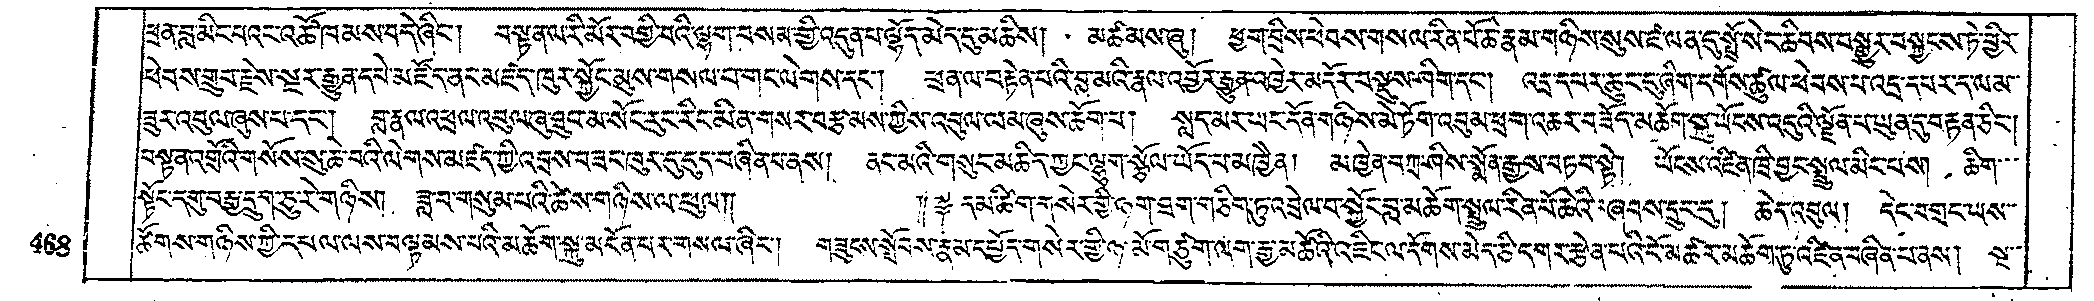ཕྲན་བླ་མིང་པའང་འཚོ་ཁམས་བདེ་ཞིང་། བསྟན་ལ་རི་མོར་བགྱི་བའི་ལྷག་བསམ་གྱི་འདུན་པ་ལྷོད་མེད་དུ་མཆིས། མཚམས་ཞུ། ཕྱག་བྲེས་ཕེབས་གསལ་རིན་པོ་ཆེ་རྣམ་གཉིས་སུས་ཛ་ལན་དུ་སྤྲོ་སེང་ཆིབས་བསྒྱུར་བསྐྱངས་ཏེ་ཕྱིར་་་
ཕེབས་གྲུབ་རྗེས་སྔར་རྒྱུན་དཔེ་མཛོད་ནང་མཛད་ཁུར་སྐྱོང་མུས་གསལ་བ་གང་ལེགས་དང་། ཕྲན་ལ་བརྟེན་པའི་བླ་མའི་རྣལ་འབྱོར་རྒྱུན་འཁྱེར་མདོར་བསྡུས་ཤིག་དང་། འདྲ་དཔར་ཆུང་ངུ་ཞིག་དགོས་ཚུལ་ཕེབས་པ་འདྲ་དཔར་ད་ལམ་་་
ཟུར་འབུལ་ཞུས་པ་དང་། བླ་རྣལ་འཕྲལ་འབུལ་ཞུ་ཐུབ་མ་སོང་རུང་རིང་མིན་གསར་བརྩམས་ཀྱིས་འབུལ་ལམ་ཞུས་ཆོག་པ། སླད་མར་ཡང་དོན་གཉིས་མེ་ཏོག་འབུམ་ཕྲག་འཆར་བཟོད་མཆོག་སྐུ་ཡོངས་འདུའི་ལྗོན་པ་ཡུན་དུ་བརྟན་ཅིང་།
བསྟན་འགྲོའི་གསོས་སུ་ཆེ་བའི་ལེགས་མཛད་ཀྱི་འབྲས་བཟང་ཁུར་དུ་དུད་བཞིན་པ་ནས། ནང་མའི་གསུང་མཆིད་ཀྱང་ལྷུག་སྩོལ་ཡོད་པ་མཁྱཻན། མཁྱེན་བཀྲ་ཤིས་སྨོན་རྒྱས་བཏབ་སྟེ། ཡོངས་འཛིན་ཁྲི་བྱང་སྤྲུལ་མིང་པས། ཆིག་་་
སྟོང་དགུ་བརྒྱ་དྲུག་ཅུ་རེ་གཉིས། ཟླ་བ་གསུམ་པའི་ཚེས་གཉིས་ལ་ཕུལ།། །།འ་དམ་ཚིག་གསེར་གྱི་ཉག་ཐག་གཅིག་ཏུ་འབྲེལ་བ་སྐྱོང་བླ་མཆོག་སྤྲུལ་རིན་པོ་ཆེའི ༧ཞབས་དྲུང་དུ། ཆེད་འབུལ། དེང་བགྲང་ཡས་་་
ཚོགས་གཉིས་ཀྱི་དཔལ་ལས་བལྟམས་པའི་མཆོག་སྐུ་མངོན་པར་གསལ་ཞིང་། གཟུངས་སྤོབས་རྣམ་དཔྱོད་གསེར་གྱི་ཉ་མོ་གཙུག་ལག་རྒྱ་མཚོའི་འཇིང་ལ་དོགས་མེད་ཅི་དགར་རྩེན་པའི་ངོ་མཚར་མཆོག་ཏུ་འཛིན་བཞིན་པ་ནས། སྔ་་་